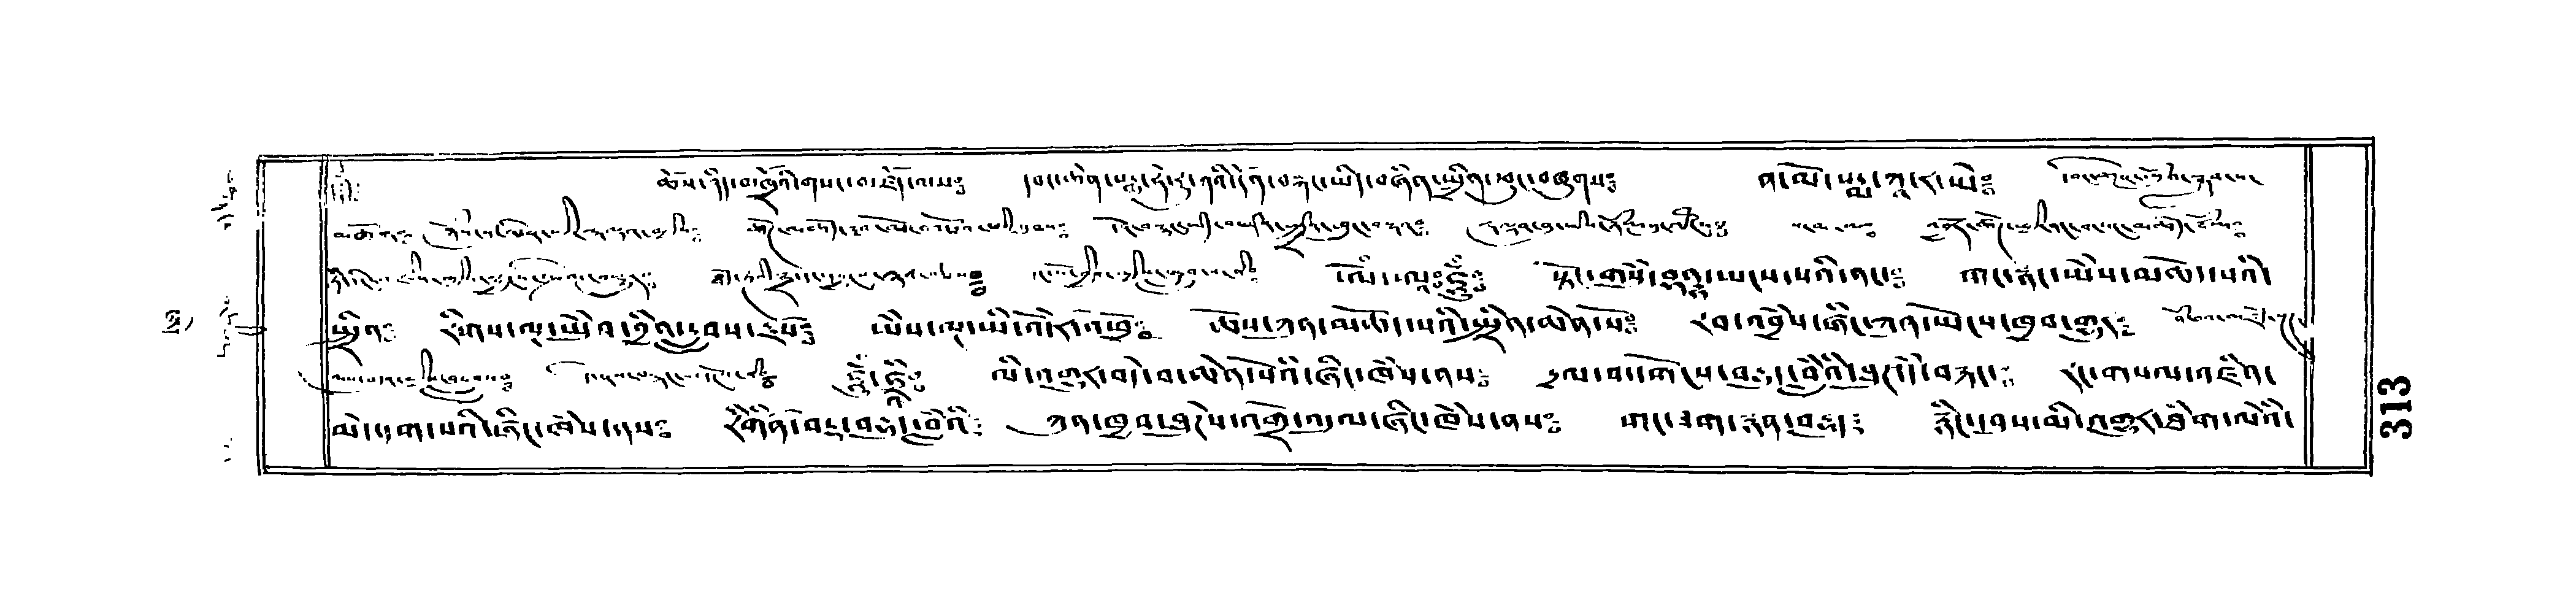ཆོས་ཉིད་མཁའ་འགྲོའི་གསང་མཛོད་ལས༔ དབང་ཆེན་པདྨ་ཧེ་རུ་ཀའི་དོན་བསྐང་ཡིད་བཞིན་སྤྲིན་ཕུང་བཞུགས༔ ན་མོ་པདྨ་ཀཱ་ར་ཡེ༔ དབང་ཆེན་ཡབ་ཡུམ་སྒྲུབ་པ་
མཆོག༔ ཉམས་སུ་ལེན་པའི་སྐལ་ལྡན་གྱིས༔ ཚོགས་མཆོད་ཟབ་མོར་བརྩོན་པའི་ཐབས༔ དོན་བཟང་ཡིད་བཞིན་སྤྲིན་ཕུང་བསྟན༔ སྐལ་ལྡན་བུ་ཡིས་ཉམས་སུ་ལོངས༔ ས་མ་ཡ༔ འབྱོར་ཚོགས་ཕྱི་ནང་གསང་མཆོད་རྣམས༔ 
ཏིང་ངེ་འཛིན་གྱིས་སྦྱངས་སྤེལ་བསྒྱུར༔ ཐོད་རྔའི་སྒྲ་དང་དབྱངས་སྙན་བཅས༔ དང་པོ་བྱིན་གྱིས་བརླབ་པ་ནི༔ ཨོཾ་ཨཱཿཧཱུྃ༔ སྟོང་གསུམ་བྷནྡྷ་ཡངས་པའི་ནང༔ གང་སྣང་ཡེ་ཤེས་མཆོད་པའི་
སྤྲིན༔ རིགས་ལྔ་ཡབ་ཡུམ་བྱིན་རླབས་རྫས༔ ཡེ་ཤེས་ལྔ་ཡི་འོད་ཟེར་འཕྲོ༔ ཆོས་ཀུན་མཆོད་པའི་སྤྲིན་ཆེན་པོ༔ རབ་འབྱམས་ཞིང་ཀུན་ཡོངས་ཁྱབ་གྱུར༔ ནམ་མཁའ་མཛོད་ཀྱི་སྔགས་
ལན་བདུན་གྱིས་བརླབས༔ དེ་ནས་བསྐང་བ་དངོས་ནི༔ ཧཱུྃ་ཧྲཱིཿ མི་འགྱུར་བདེ་བ་ཆེན་པོའི་ཞིང་ཁམས་ནས༔ རྒྱལ་བ་དགོངས་བརྒྱུད་བླ་མའི་ཐུགས་དམ་བསྐང༔ རང་གསལ་འཛིན་
མེད་དག་པའི་ཞིང་ཁམས་ནས༔ རིག་འཛིན་བརྡ་བརྒྱུད་བླ་མའི༴ ཀུན་ཁྱབ་ཐུགས་རྗེས་འགྲོ་འདུལ་ཞིང་ཁམས་ནས༔ གང་ཟག་སྙན་བརྒྱུད༴ སྙིང་དབུས་མི་འགྱུར་ཐིག་ལེའི་